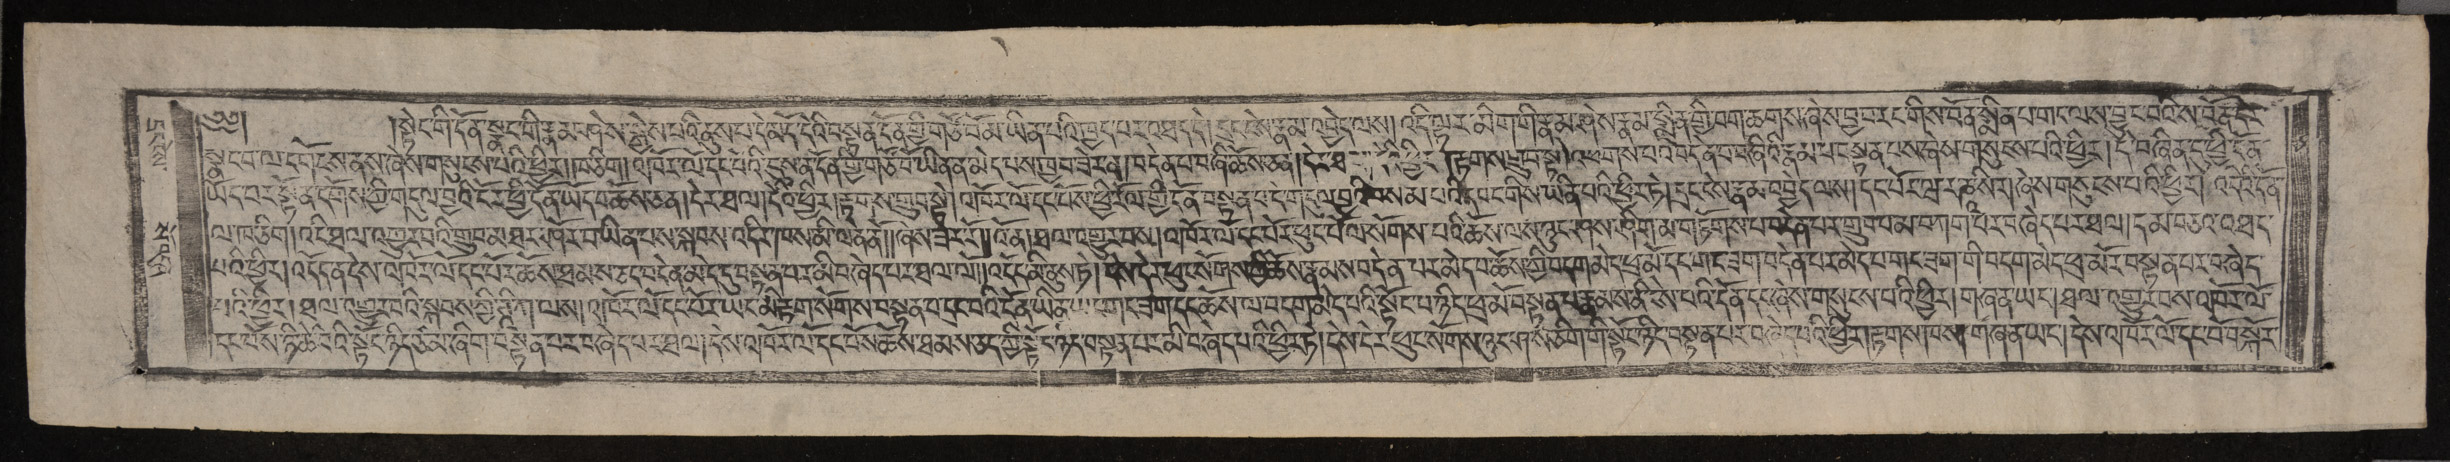༄༅། །སྟེང་གི་དོན་སྣང་གི་རྣམ་ཤེས་སྐྱེས་པའི་ནུས་པ་དེ་མདོ་དེའི་བསྟན་དོན་གྱི་གཙོ་བོ་མ་ཡིན་པའི་ཁྱད་པར་འཐད་དེ། དྲང་ངེས་རྣམ་འབྱེད་ལས། འདི་ལྟར་མིག་གི་རྣམ་ཤེས་རྣམ་སྨིན་གྱི་བག་ཆགས་ཞེས་བྱ་བ་རང་གི་ས་བོན་སྨིན་པ་གང་ལས་བྱུང་བའི་ས་བོན་དེར་
སྣང་བ་ལ་དགོངས་ནས་ཞེས་གསུངས་པའི་ཕྱིར། ཁ་ཅིག། འཁོར་ལོ་དང་པོའི་བསྟན་དེན་གྱི་གཙོ་བོ་ཡིན་ན་མེད་པས་ཁྱབ་ཟེར་ན། བདེན་པ་བཞི་ཆོས་ཅན། དེར་ཐལ། དེའི་ཕྱིར། རྟགས་གྲུབ་སྟེ། འཕགས་པའི་བདེན་པ་བཞིའི་རྣམ་པ་བསྟན་པས་ཞེས་གསུངས་པའི་ཕྱིར། དེ་བཞིན་དུ་ཕྱི་དོན་
ཡོད་པར་སྟོན་དགོས་ཀྱི་གདུལ་བྱའི་ངོར་ཕྱི་དོན་ཡོད་པ་ཆོས་ཅན། དེར་ཐལ། དེའི་ཕྱིར། རྟགས་གྲུབ་སྟེ། འཁོར་ལོ་དང་པོས་ཕྱི་རོལ་གྱི་དོན་བསྟན་པ་དེ་གདུལ་བྱའི་བསམ་པའི་དབང་གིས་ཡིན་པའི་ཕྱིར་ཏེ། དྲང་ངེས་རྣམ་འབྱེད་ལས། དང་པོར་ཝ་ར་ཎཱ་སིར། ཞེས་གསུངས་པའི་ཕྱིར། འདིའི་དོན་
ལ་ཁ་ཅིག། འདི་ཐལ་འགྱུར་བའི་གྲུབ་མཐར་ཤོར་བ་ཡིན་པས་སྐབས་འདིར་ཁས་མི་ལེན་ནོ། །ཞེས་ཟེར་རོ། །འོ་ན། ཐལ་འགྱུར་བས། འཁོར་ལོ་དང་པོར་ཕུང་པོ་ལ་སོགས་པའི་ཆོས་ལས་ཉུང་ཤས་ཤིག་མ་གཏོགས་པ་བདེན་པར་གྲུབ་པ་མ་བཀག་པར་བཞེད་པར་ཐལ། དམ་བཅའ་འཐད་
པའི་ཕྱིར། འདོད་ན་དེས་འཁོར་ལོ་དང་པོར་ཆོས་ཐམས་ཅད་བདེན་མེད་དུ་བསྟན་པར་མི་བཞེད་པར་ཐལ་ལོ། །འདོད་མི་ནུས་ཏེ། དེས་དེར་ཕུང་སོགས་ཀྱི་ཆོས་རྣམས་བདེན་པར་མེད་པ་ཆོས་ཀྱི་བདག་མེད་ཕྲ་མོ་དང་གང་ཟག་བདེན་པར་མེད་པ་གང་ཟག་གི་བདག་མེད་ཕྲ་མོར་བསྟན་པར་བཞེད་
པའི་ཕྱིར། ཐལ་འགྱུར་བའི་སྐབས་ཀྱི་ཊཱི་ཀ་ལས། འཁོར་ལོ་དང་པོར་ཡང་མི་རྟག་སོགས་བསྟན་པ་དྲང་བའི་དོན་ཡིན་ཡང་གང་ཟག་དང་ཆོས་ལ་བདག་མེད་པའི་སྟོང་པ་ཉིད་ཕྲ་མོ་བསྟན་པ་རྣམས་ནི་ངེས་པའི་དོན་དང་ཞེས་གསུངས་པའི་ཕྱིར། གཞན་ཡང་། ཐལ་འགྱུར་བས་འཁོར་ལོ་
དང་པོས་ཉི་ཚེ་བའི་སྟོང་ཉིད་ཙམ་ཞིག་བསྟན་པར་བཞེད་པར་ཐལ། དེས་འཁོར་ལོ་དང་པོས་ཆོས་ཐམས་ཅད་ཀྱི་སྟོང་ཉིད་བསྟན་པར་མི་བཞེད་པའི་ཕྱིར་ཏེ། དེས་དེར་ཕུང་སོགས་ཉུང་ཤས་ཅིག་གི་སྟོང་ཉིད་བསྟན་པར་བཞེད་པའི་ཕྱིར། རྟགས་ཁས། གཞན་ཡང་། དེས་འཁོར་ལོ་དང་པོ་བསྐོར་